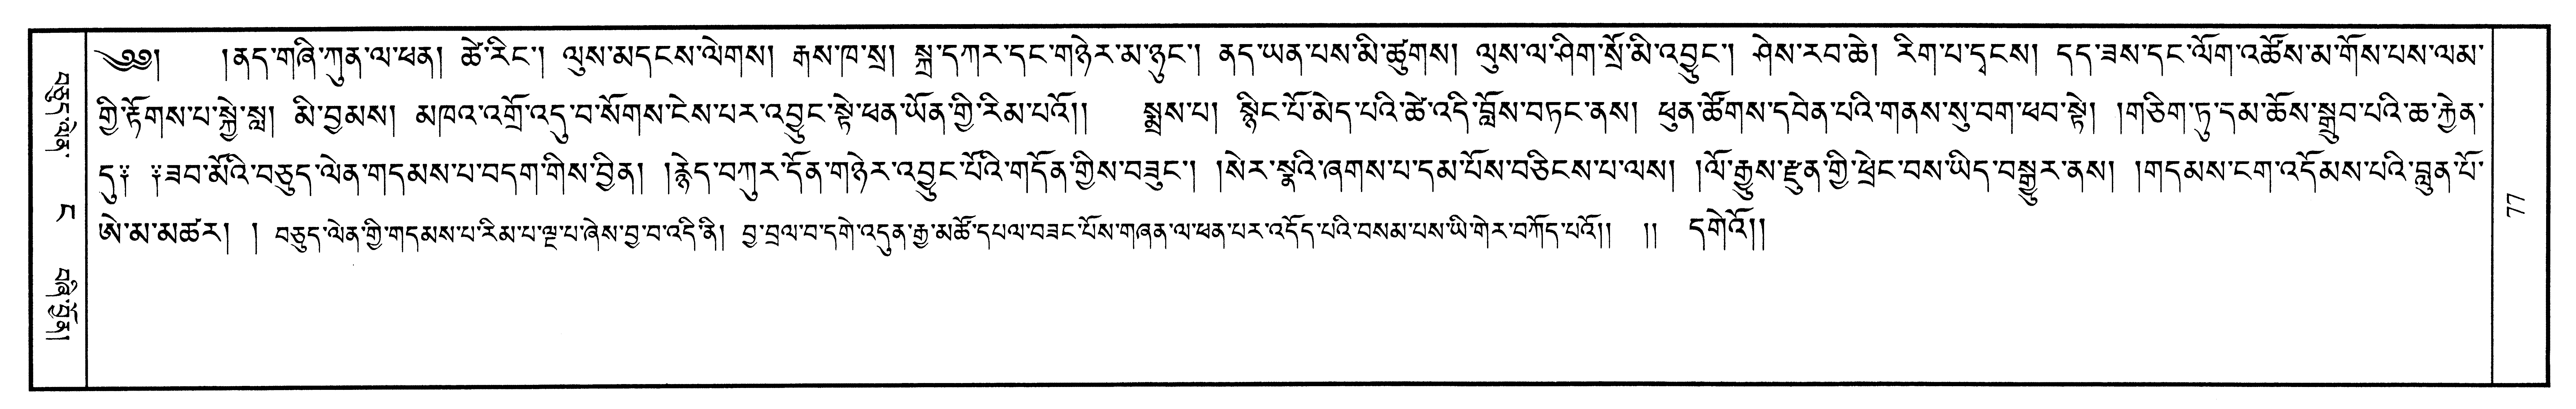༄༅། །ནད་གཞི་ཀུན་ལ་ཕན། ཚེ་རིང་། ལུས་མདངས་ལེགས། རྒས་ཁ་སྲ། སྐྲ་དཀར་དང་གཉེར་མ་ཉུང་། ནད་ཡན་པས་མི་ཚུགས། ལུས་ལ་ཤིག་སྲོ་མི་འབྱུང་། ཤེས་རབ་ཆེ། རིག་པ་དྭངས། དད་ཟས་དང་ལོག་འཚོས་མ་གོས་པས་ལམ་
གྱི་རྟོགས་པ་སྐྱེ་སླ། མི་བྱམས། མཁའ་འགྲོ་འདུ་བ་སོགས་ངེས་པར་འབྱུང་སྟེ་ཕན་ཡོན་གྱི་རིམ་པའོ།། སྨྲས་པ། སྙིང་པོ་མེད་པའི་ཚེ་འདི་བློས་བཏང་ནས། ཕུན་ཚོགས་དབེན་པའི་གནས་སུ་བག་ཕབ་སྟེ། །གཅིག་ཏུ་དམ་ཆོས་སྒྲུབ་པའི་ཆ་རྐྱེན་
དུ༑ ༑ཟབ་མོའི་བཅུད་ལེན་གདམས་པ་བདག་གིས་བྱིན། །རྙེད་བཀུར་དོན་གཉེར་འབྱུང་པོའི་གདོན་གྱིས་བཟུང་། །སེར་སྣའི་ཞགས་པ་དམ་པོས་བཅིངས་པ་ལས། །ལོ་རྒྱུས་རྫུན་གྱི་ཕྲེང་བས་ཡིད་བསྒྱུར་ནས། །གདམས་ངག་འདོམས་པའི་བླུན་པོ་
ཨེ་མ་མཚར། །བཅུད་ལེན་གྱི་གདམས་པ་རིམ་པ་ལྔ་པ་ཞེས་བྱ་བ་འདི་ནི། བྱ་བྲལ་བ་དགེ་འདུན་རྒྱ་མཚོ་དཔལ་བཟང་པོས་གཞན་ལ་ཕན་པར་འདོད་པའི་བསམ་པས་ཡི་གེར་བཀོད་པའོ།། །།དགེའོ།།